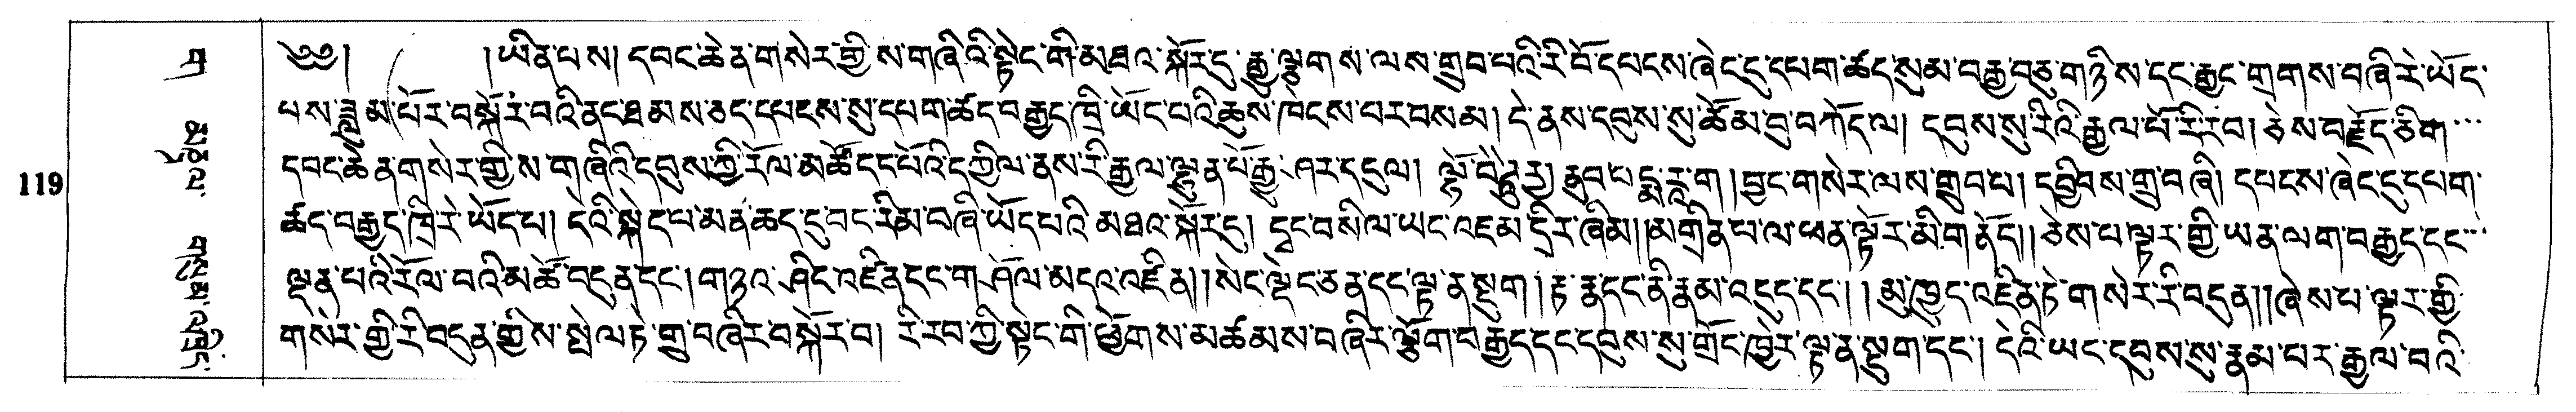༄༅། །ཡིན་པས། དབང་ཆེན་གསེར་གྱི་ས་གཞིའི་སྟེང་གི་མཐའ་སྐོར་དུ་རྒྱུ་ལྕགས་ལས་གྲུབ་པའི་རི་བོ་དཔངས་ཞེང་དུ་དཔག་ཚད་སུམ་བརྒྱ་བཅུ་གཉིས་དང་རྒྱང་གྲགས་བཞི་རེ་ཡོད་
པས་ཟླུམ་པོར་བསྐོར་བའི་ནང་ཐམས་ཅད་དཔངས་སུ་དཔག་ཚད་བརྒྱད་ཁྲི་ཡོད་པའི་ཆོས་ཁེངས་པར་བསམ། དེ་ནས་དབུས་སུ་ཚོམ་བུ་བཀོད་ལ། དབུས་སུ་རིའི་རྒྱལ་པོ་རི་རབ། ཅེས་བརྗོད་ཅིག་
དབང་ཆེན་གསེར་གྱི་ས་གཞིའི་དབུས་ཀྱི་རོལ་མཚོ་དང་པོའི་དཀྱིལ་ནས་རི་རྒྱལ་ལྷུན་པོ་རྒྱུ་ཤར་དངུལ། ལྷོ་བཻཌཱུརྱ། ནུབ་པདམ་རཱ་ག །བྱང་གསེར་ལས་གྲུབ་པ། དབྱིབས་གྲུ་བཞི། དཔངས་ཞེང་དུ་དཔག་
ཚད་བརྒྱད་ཁྲི་རེ་ཡོད་པ། དེའི་སྐེད་པ་མན་ཆད་དུ་བང་རིམ་བཞི་ཡོད་པའི་མཐའ་སྐོར་དུ། དྭང་བ་སིལ་ཡང་འཇམ་དྲིར་ཞིམ། །མགྲིན་པ་ལ་ཕན་ལྟོར་མི་གནོད། །ཅེས་པ་ལྟར་གྱི་ཡན་ལག་བརྒཡད་དང་
ལྡན་པའི་རོལ་བའི་མཚོ་བདུན་དང་། གཉའ་ཤིང་འཛིན་དང་གཤོལ་མདའ་འཛིན། སེང་ལྡེང་ཅན་དང་ལྟ་ན་སྡུག །རྟ་རྣ་དང་ནི་རྣམ་འདུད་དང་། །མུ་ཁྱུད་འཛིན་ཏེ་གསེར་རི་བདུན། །ཞེས་པ་ལྟར་གྱི་
གསེར་གྱི་རི་བདུན་གྱིས་སྤེལ་ཏེ་གྲུ་བཞིར་བསྐོར་བ། རི་རབ་ཀྱི་སྟེང་གི་ཕྱོགས་མཚམས་བཞིར་ལྕོག་བརྒྱད་དང་དབུས་སུ་གྲོང་ཁྱེར་ལྟ་ན་སྡུག་དང་། དེའི་ཡང་དབུས་སུ་རྣམ་པར་རྒྱལ་བའི་